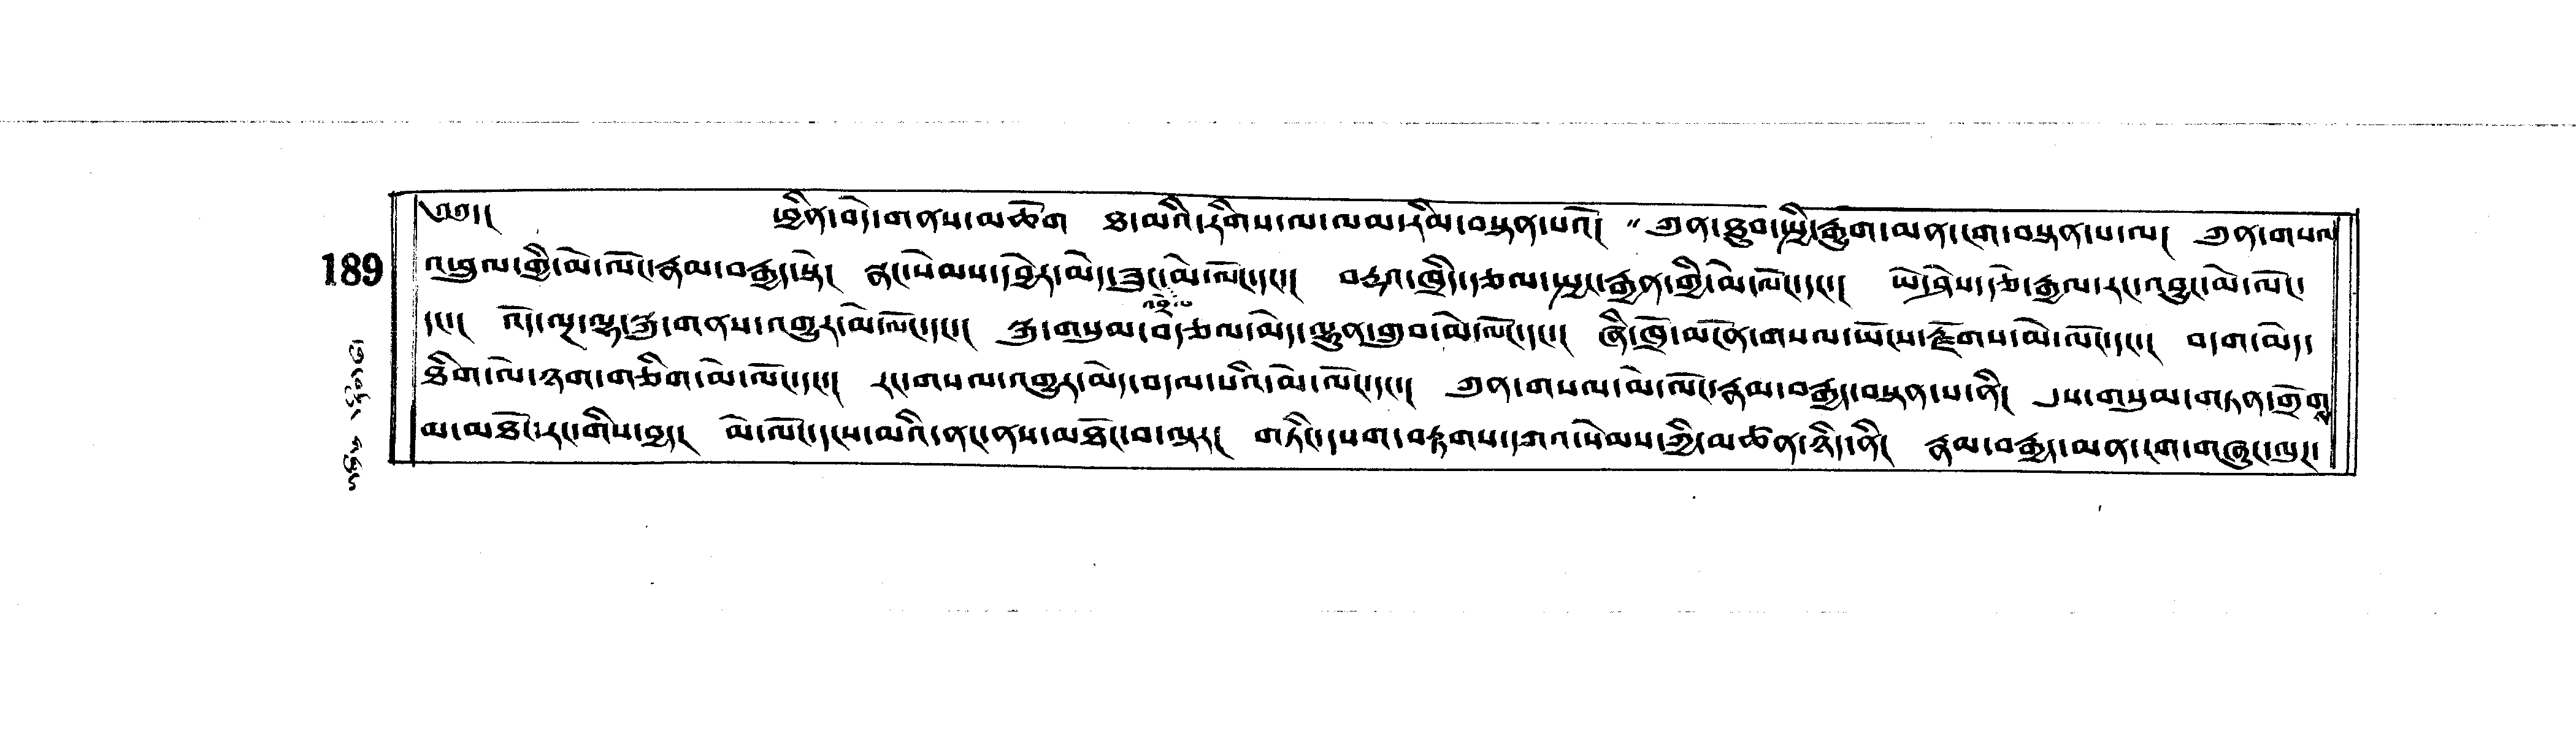ཕྱིན་བདེ་གནས་མཆོག ཐ་མའི་རིགས་ལ་ལམ་རིམ་བསྟན་པའོ།། ཀུན་ཐུབ་སྤྱི་རྒྱུགས་མན་ངག་བསྟན་པ་ལ། ཀུན་གསལ་
འཕྲུལ་གྱི་མེ་ལོང་རྣམ་བརྒྱད་སྟེ། སྣང་སེམས་དབྱེར་མེད་ཟུང་འབྲེལ་མེ་ལོང་དང་། བརྡའ་ཁྲིད་གསལ་བྱེད་རྒྱན་གྱི་མེ་ལོང་དང་། ཡེ་ཤེས་རྩེ་རྒྱལ་རང་བྱུང་མེ་ལོང་
དང་། འོད་ལྔ་ལྷ་སྐུ་གནས་འགྱུར་མེ་ལོང་དང་། སྐུ་གསུམ་རྩལ་མེད་ལྷུན་གྲུབ་མེ་ལོང་དང་། ཞི་ཁྲོ་མངོན་གསལ་ཡོངས་རྫོགས་མེ་ལོང་དང་། བདག་མེད་
ཐིག་ལེ་ཉག་གཅིག་མེ་ལོང་དང་། རང་གསལ་འགྱུར་མེད་བདལ་པའི་མེ་ལོང་དང་། ཀུན་གསལ་མེ་ལོང་རྣམ་བརྒྱད་བསྟན་པ་ནི། དུས་གསུམ་གཏན་གྲོགས་
མ་མཐོང་རང་གི་བྱད། མེ་ལོང་དངས་མའི་ནང་ནས་མཐོང་བ་ལྟར། གཏིང་དཔག་བརྟག་དཀའ་སེམས་ཉིད་མཚན་ཉིད་ནི། རྣམ་བརྒྱད་མན་ངག་གཞུང་ལུགས་